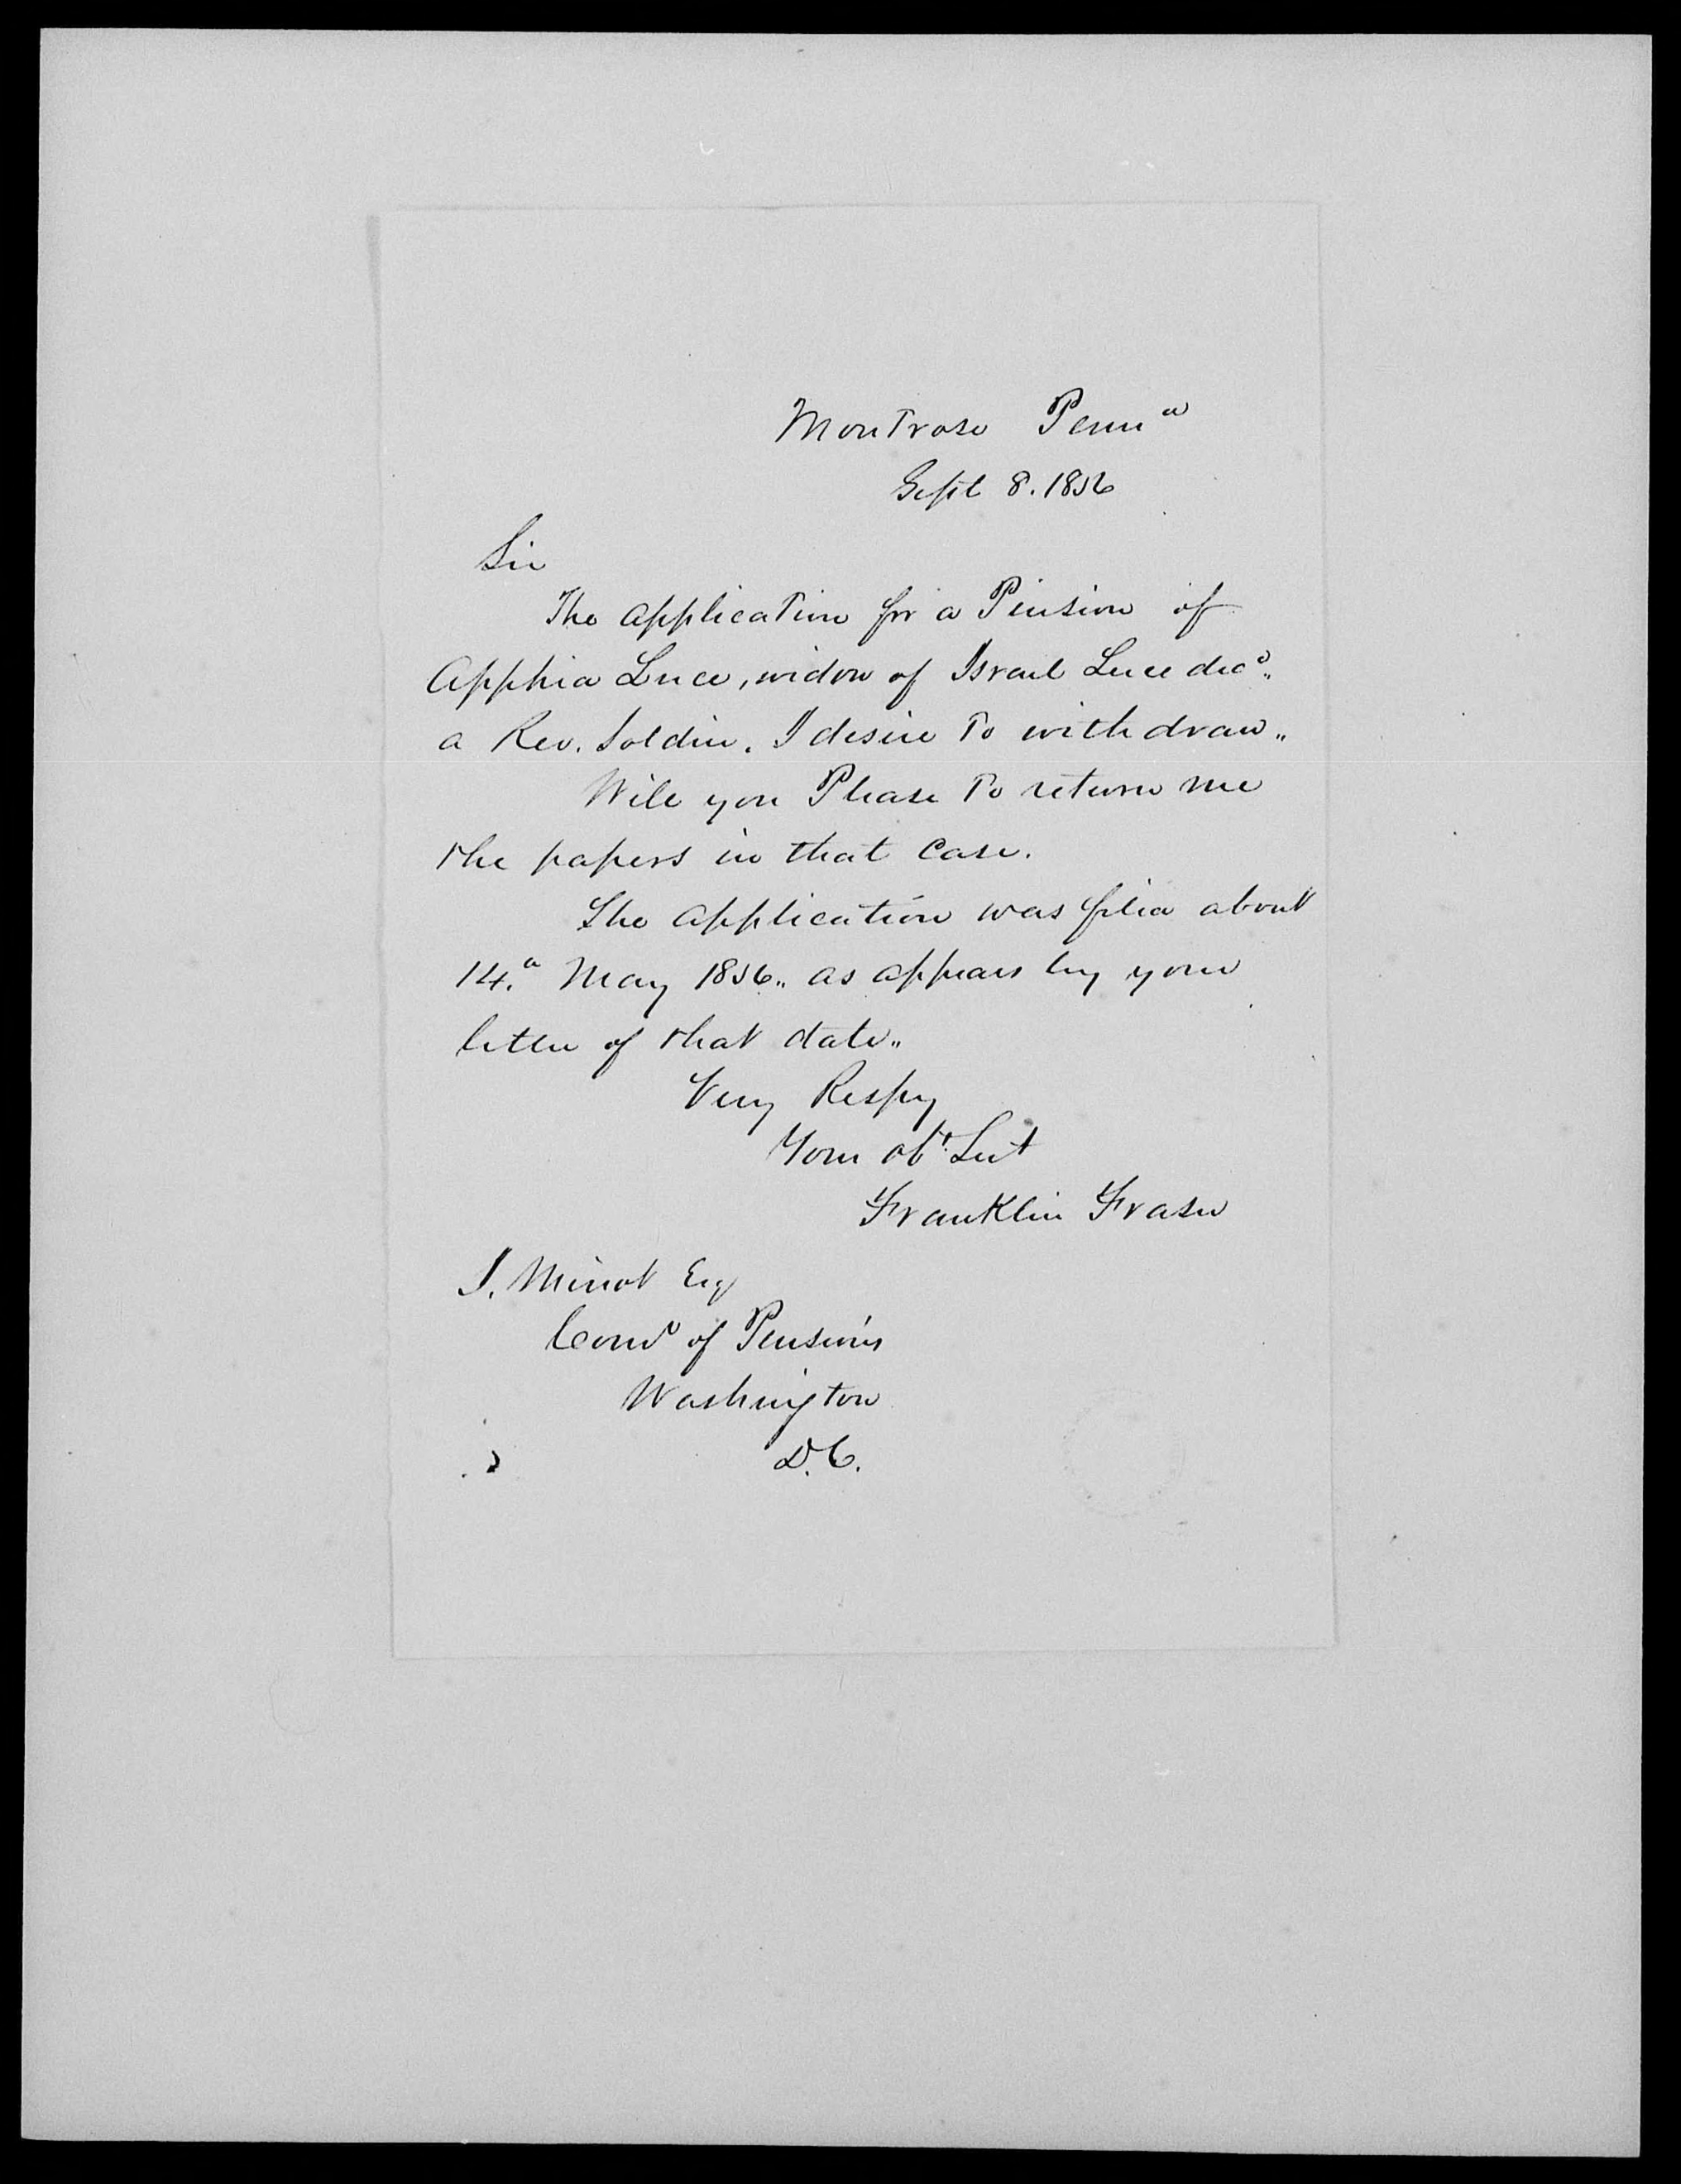Montrose Penn Sept 8, 1836
Sir 
The application for a Pension of Apphia Luce, widow of Israel Luce decd a Rev. Soldier, I desire to withdraw. 
Will you please to return me
the papers in that case The application was filed about 14th May 1836, as appears by your letter of that date. 
Very Respy
Your of Lit 
Franklin Fraser
J. Minot Esq 
Com of Pensions 
Washington D.C.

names: Israel Luce; J Minot; Apphia Luce; Franklin Fraser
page: 21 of 70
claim: rejected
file: R. 6510, for Israel Luce, New York